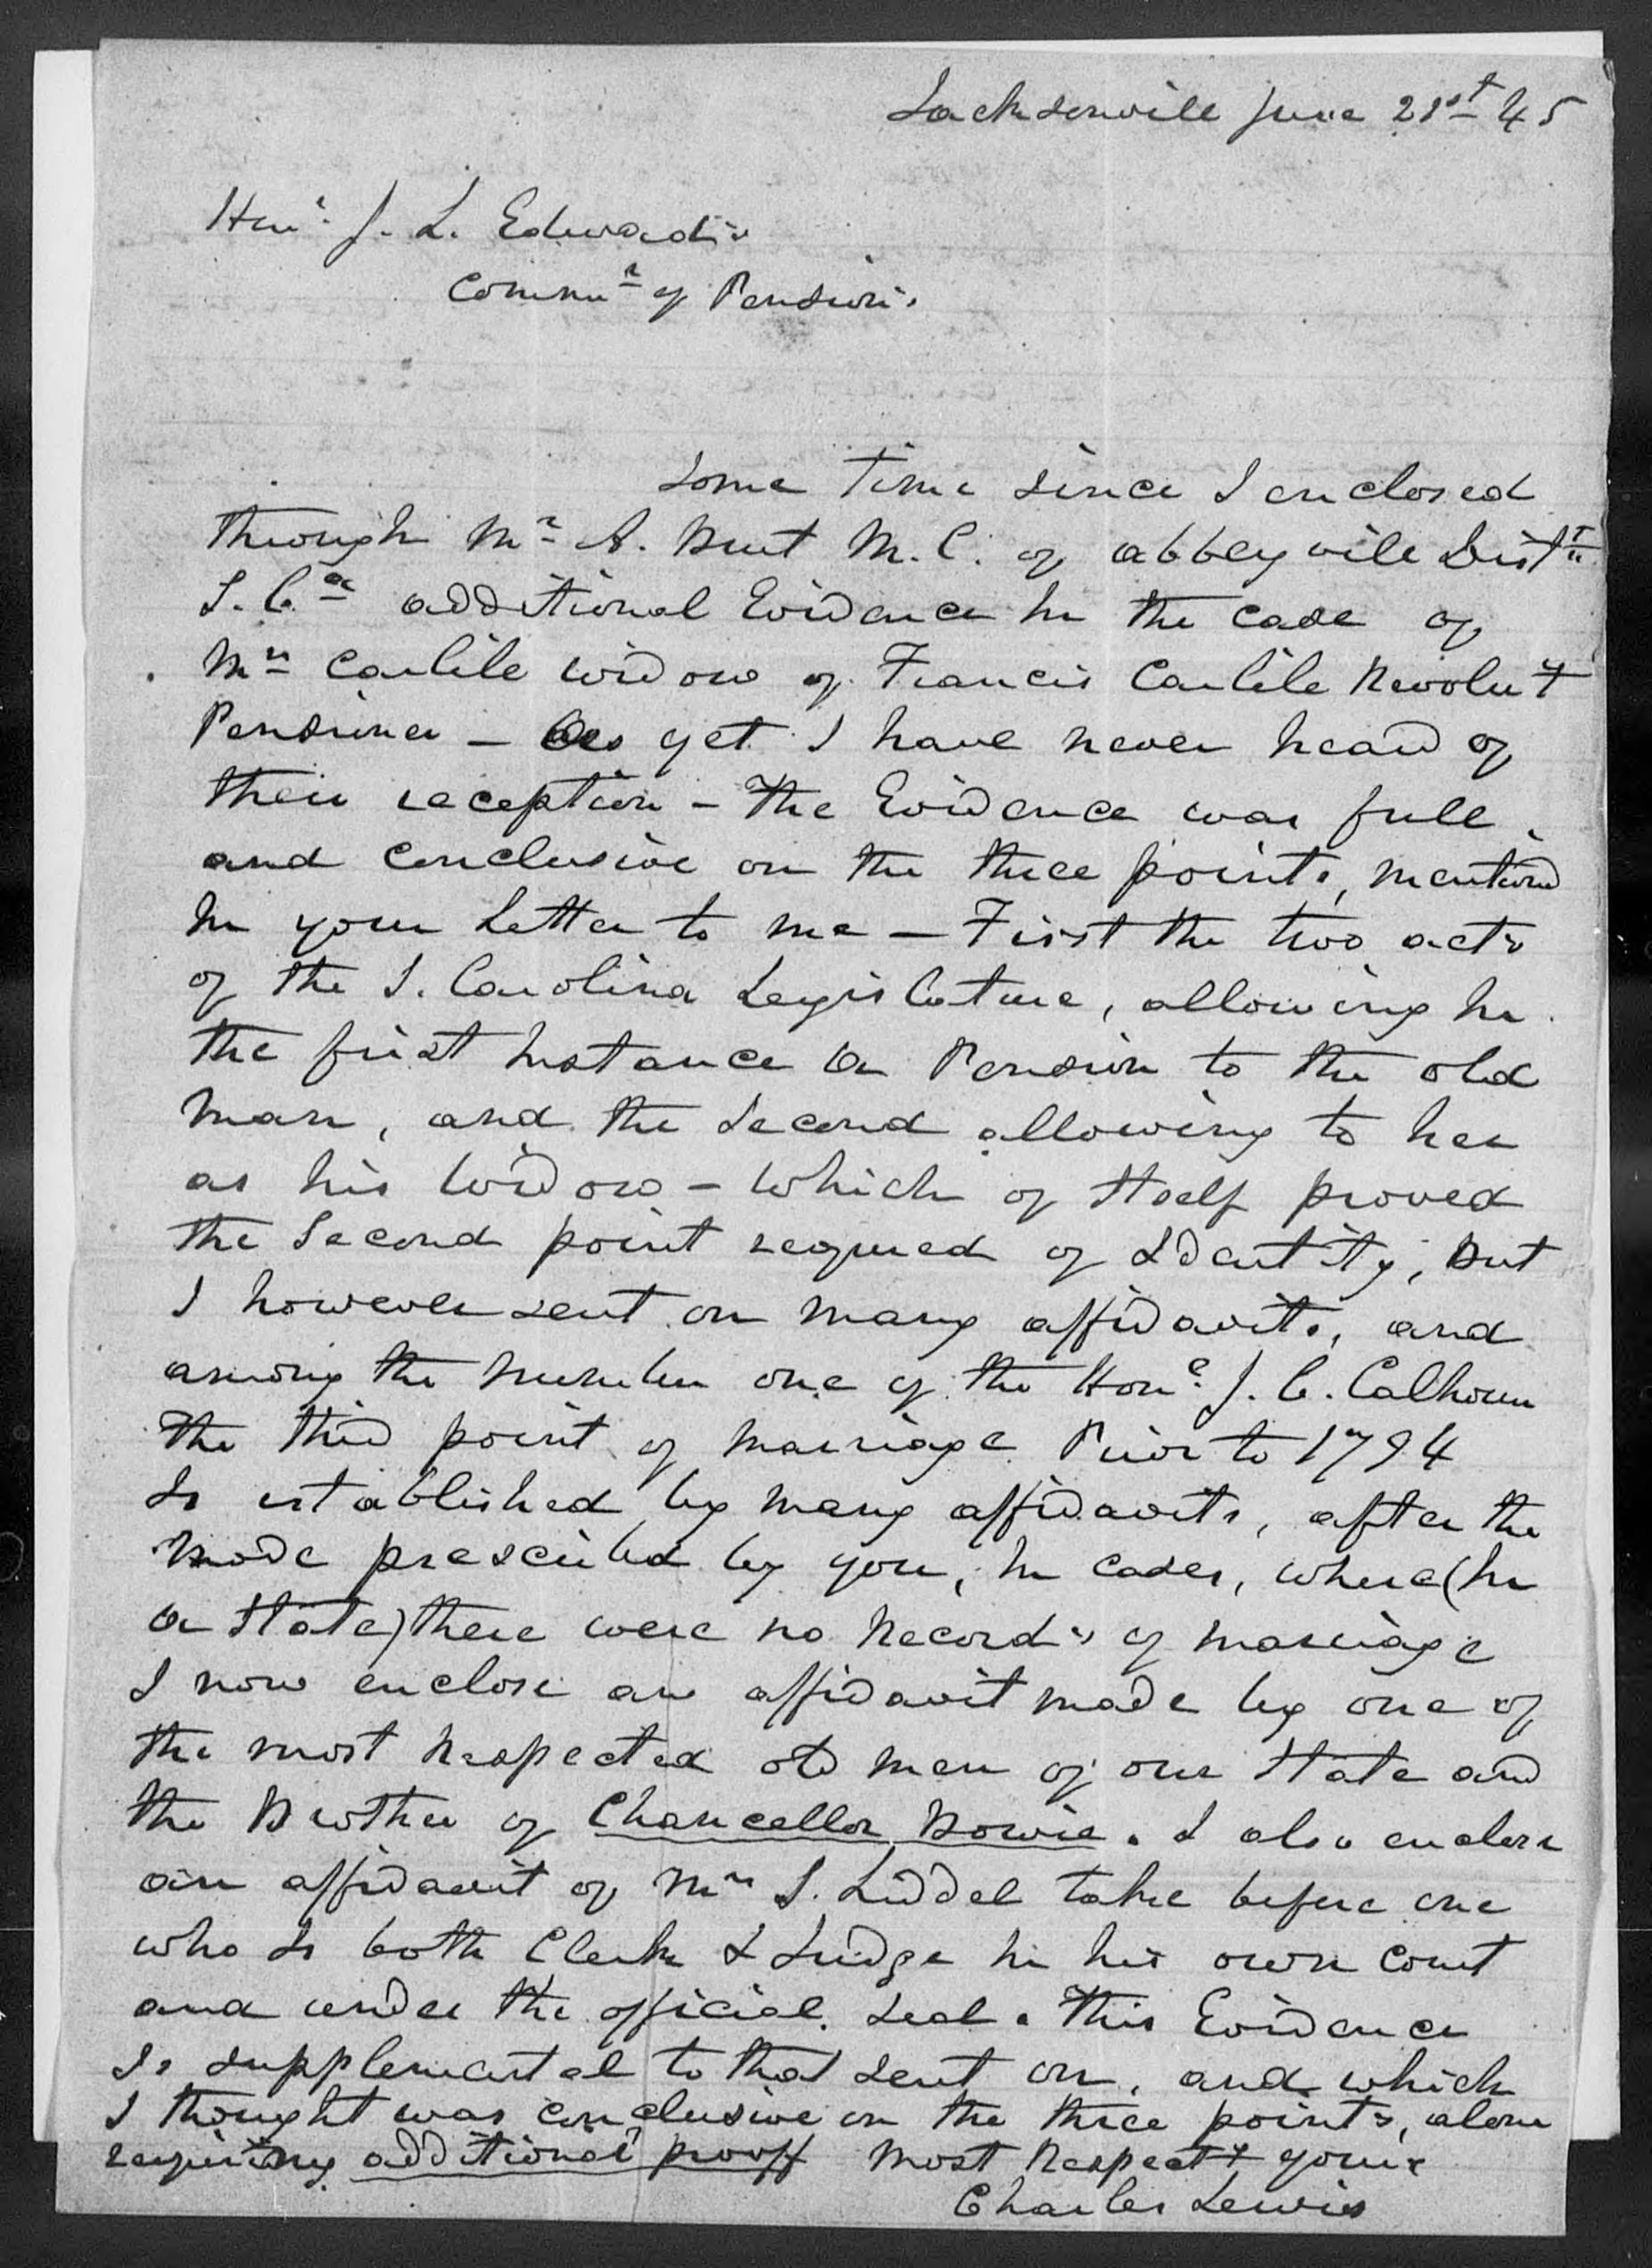Jacksonville June 21st - 45 Hon  J. L. Edwards Comm. of Pensions  Some time since I enclosed  through Mr. A. Burt  M.C. of Abbeville Dist.  S. Car. additional evidence in the case of Mrs. Carlisle widow of Francis Carlisle  revolt. pensioner - as yet I have never heard of  their reception - the evidence was full and conclusive on the three point mentioned in your letter to me . - First  the two acts of the S. Carolina Legislature  allowed in the first instance a pension to the old man, and the second allowing  to her as his widow - which of itself proved the second point required of Identity ; but I however sent on many affidavits, and  among the member one of the Hon J. C. Calhoun ,  the third point of marriage  prior to 1794  so established by many affidavits. After the  mode prescribed by you , in cases where ( in our State ) there were no records  of marriage. I now  enclose an affidavit made by one of the most respected old men of our  State  and the  brother of Chancellor Bowie. I also enclose an affidavit of Mrs. S. Liddel  taken before one who to both  Clerk  & Judge in his own  Court and under the official seal. This evidence to supplement  to that sent on  and which I thought was conclusive in the  three points  alone requiring my additional proof. Most respecty. yours  Charles Lewis  ( signed )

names: J L Edwards, Carlile, A Burt, Francis Carlile, S Liddel, J C Calhoun, Charles Lewis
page: 66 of 91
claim: widow's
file: W. 10576, Francis Carlisle, S.C.